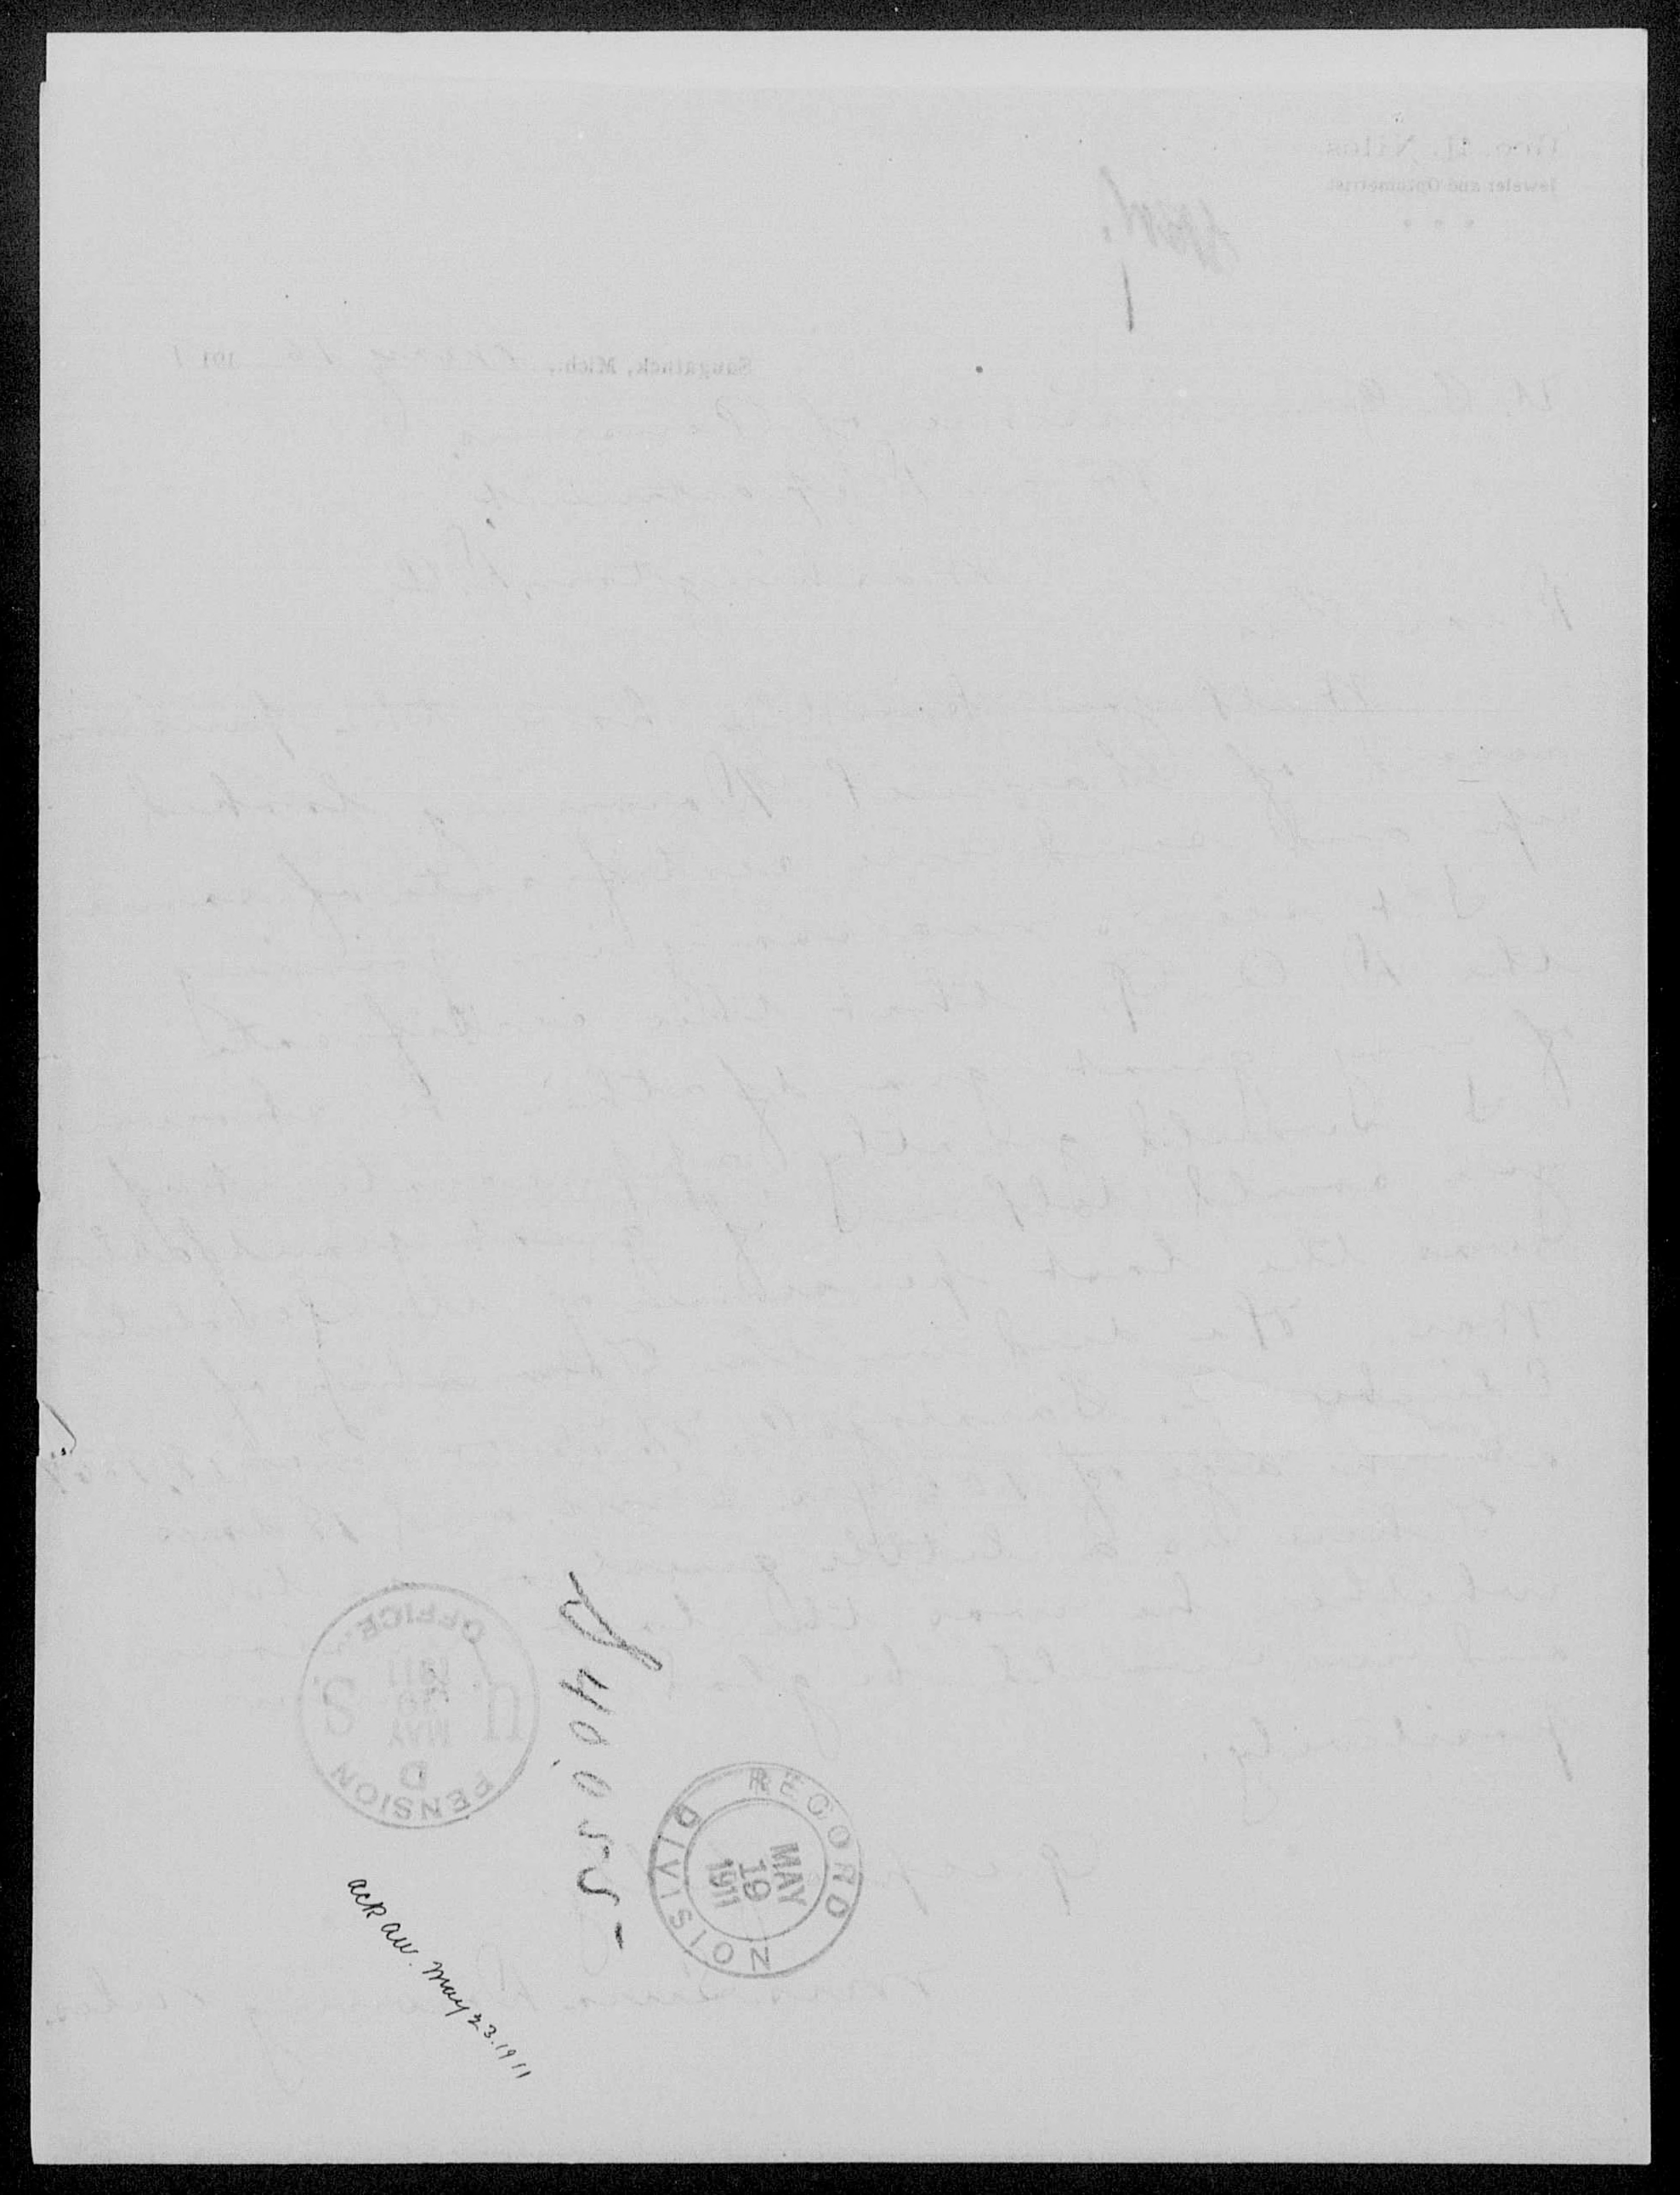[Imprint of Stamp]
PENSION D U.S. MAY 29 1911 OFFICE

[Imprint of second stamp]
RECORD DIVISION  MAY 19 1911 
S 40055

[Handwritten text]
ACR Aw. May 23 1911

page: 37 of 56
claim: survivor's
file: S. 40,055, Samuel Downing, N.H.